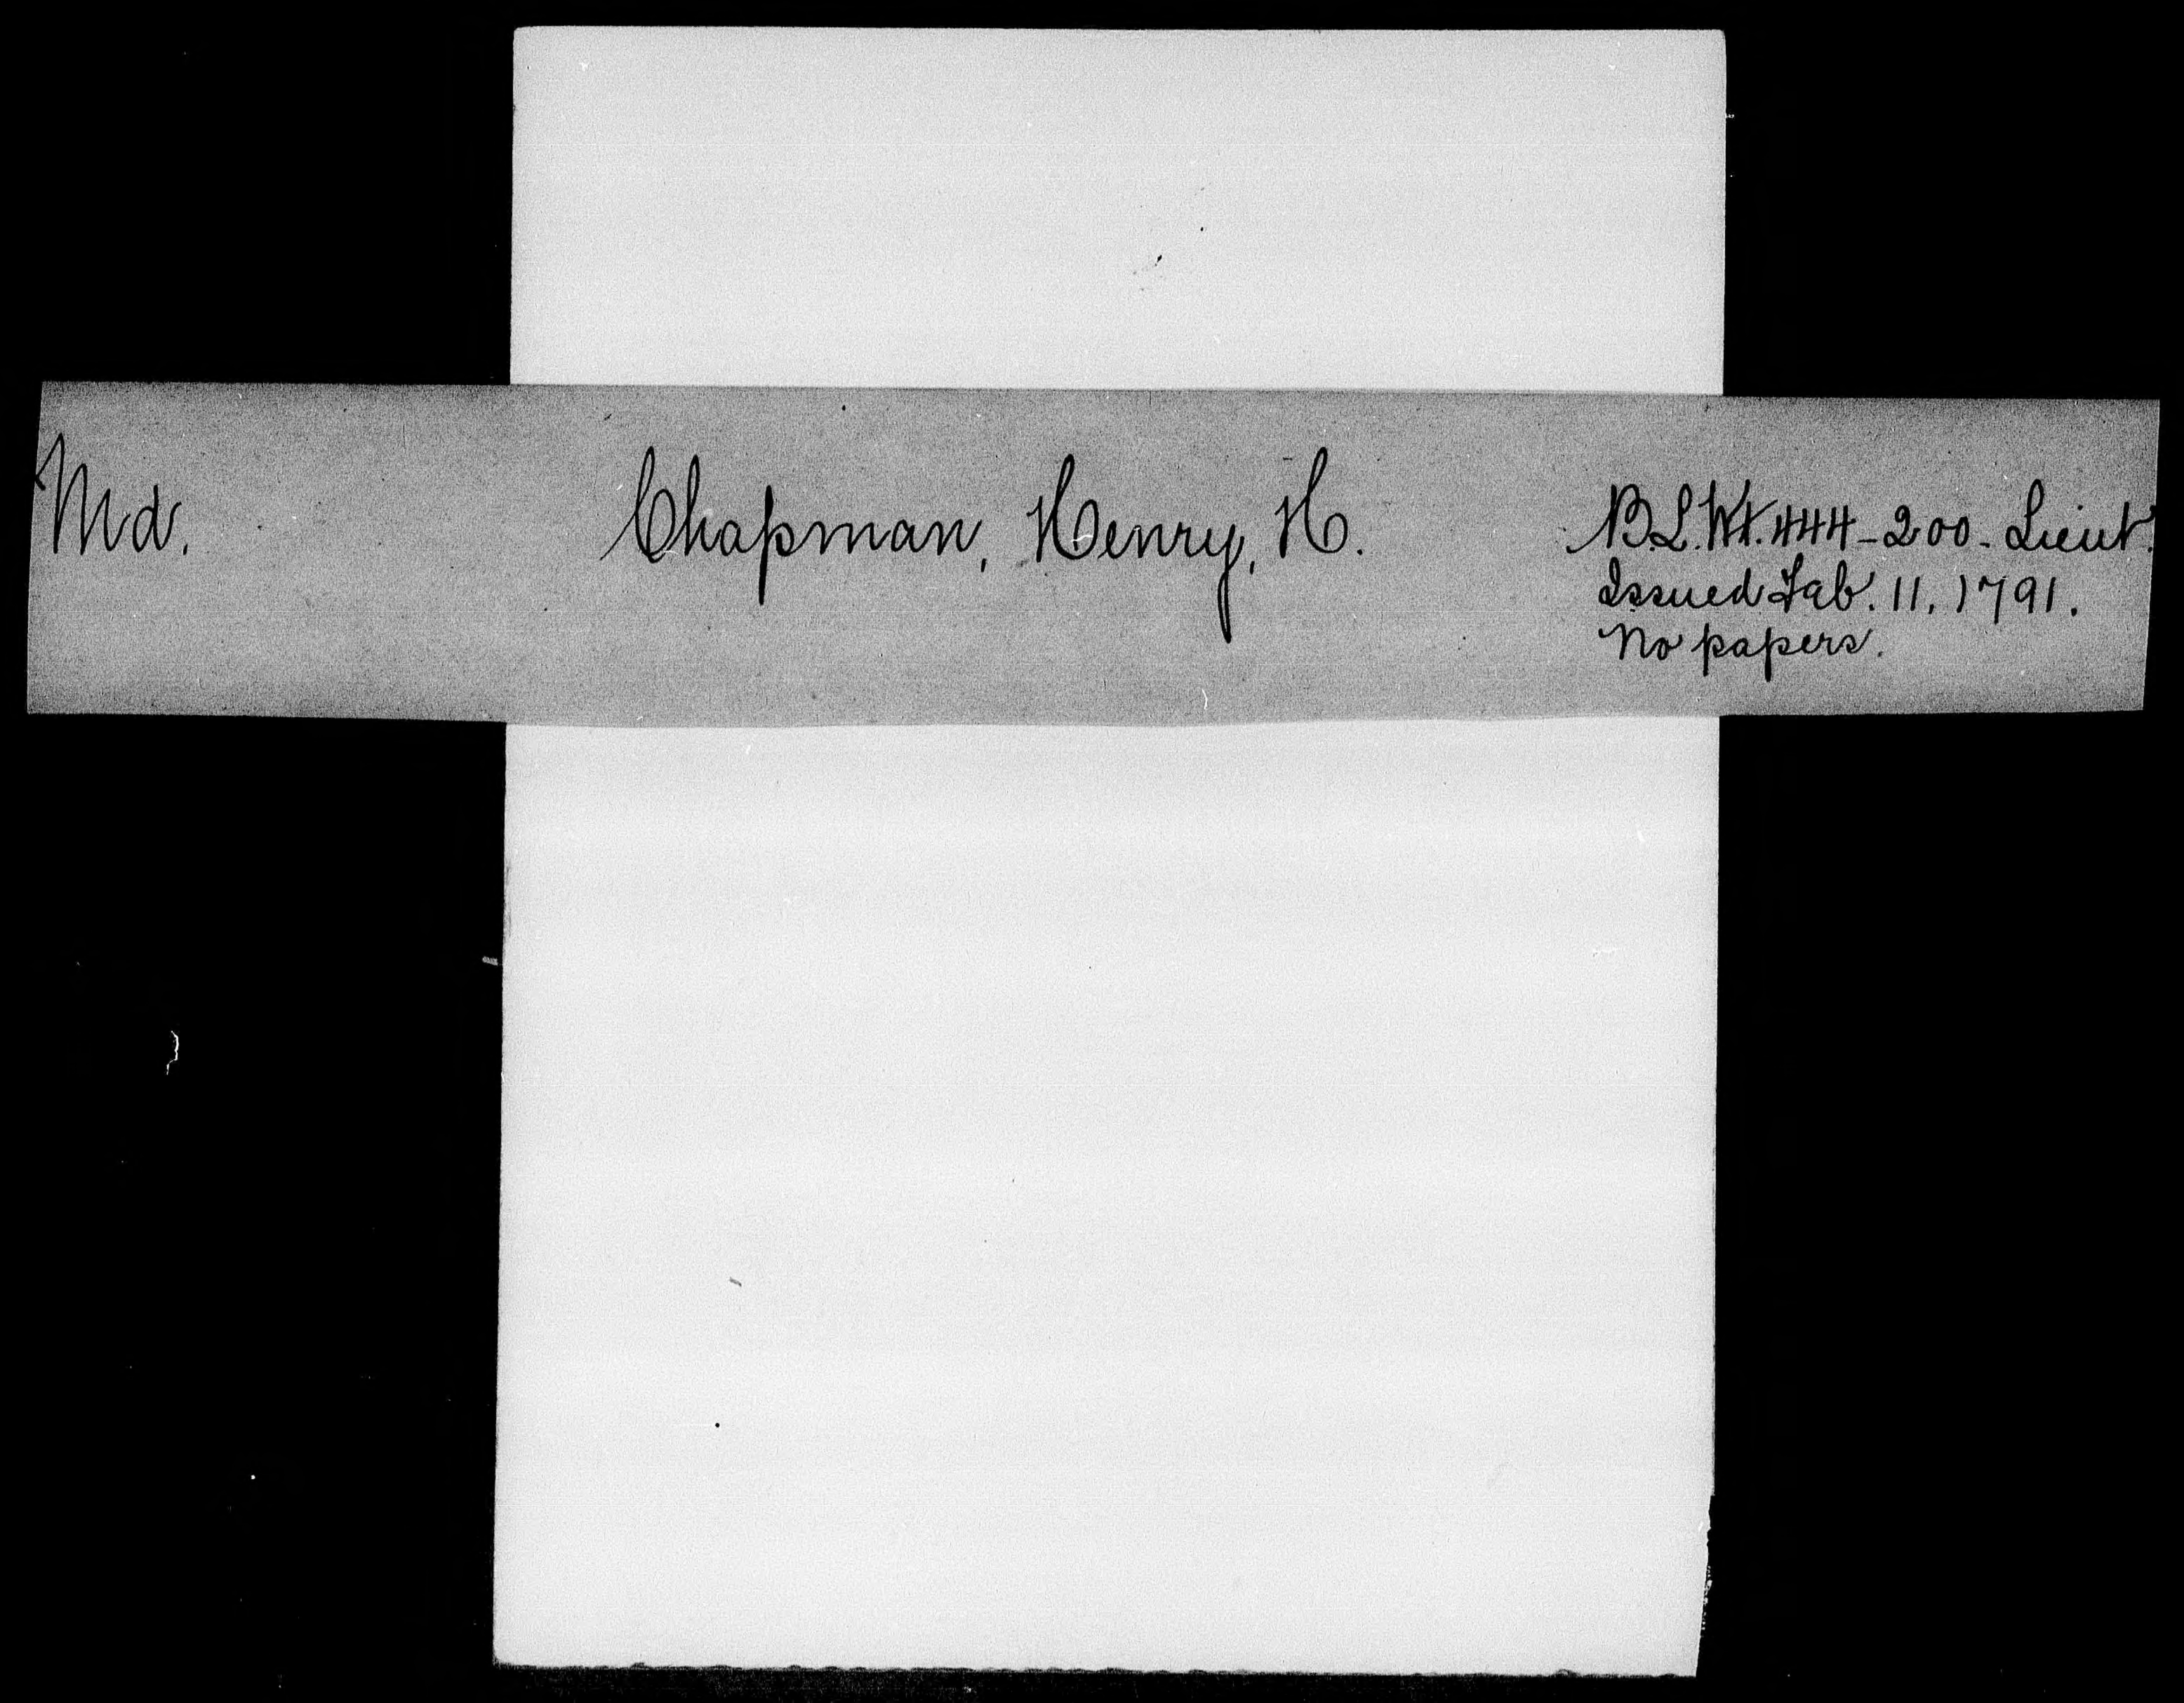Md.

Chapman, Henry H.

B.L.Wt. 444-200-Lieut.
Issued Feb. 11, 1791.
No papers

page: 2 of 7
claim: bounty land warrant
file: B.L.Wt. 444-200, Henry H Chapman, Md.